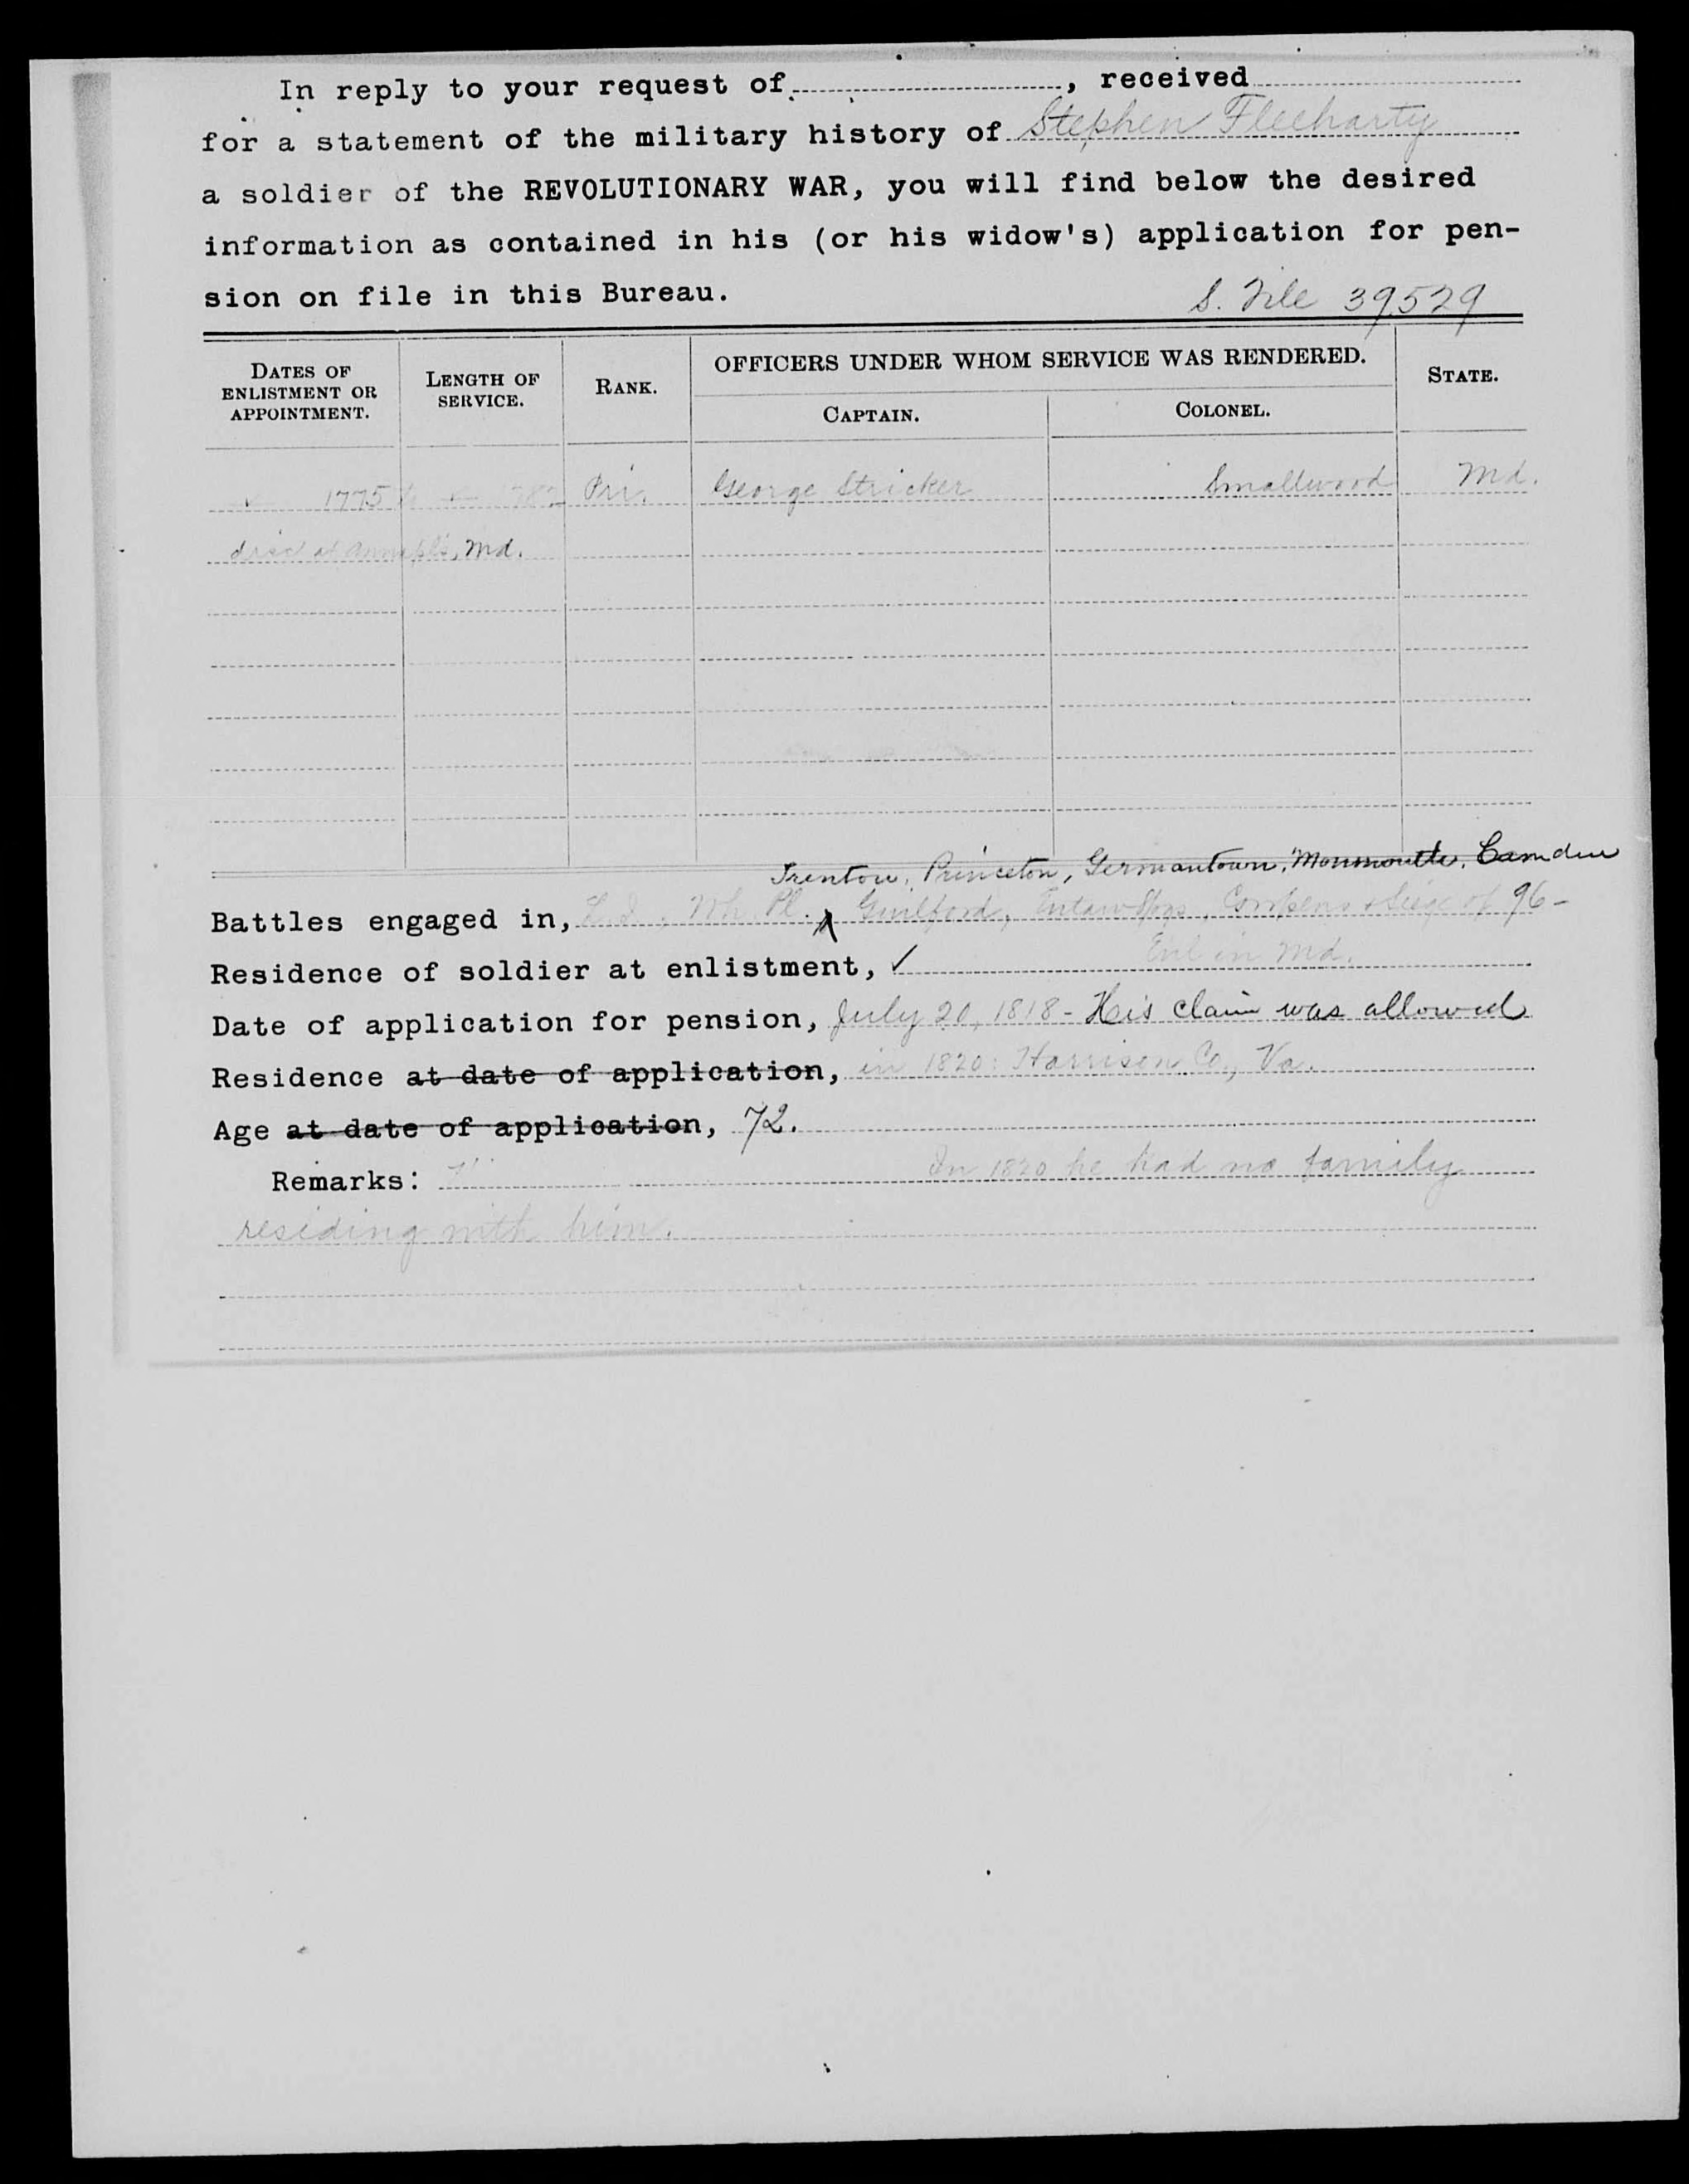In reply to your request of       , received       for a statement of the military history of Stephen Fleeharty a soldier of the REVOLUTIONARY WAR, you will find below the desired information as contained in his (or his widow’s) application for pension on file in this Bureau.    S. File 39.529                   
Dates of Enlistment or Appointment 1775 to 1782   Length of Service 1775 to 1782     Rank Pri. Officers Under Whom Service Was Rendered Captain. George Stricken Colonel. Smallwood State. MD               
Discharged at Annapolis Md.
Battles engaged in, L.I. [Long Island] , Wh Pl. [White Plains], Trenton, Princeton, Germantown, Monmouth, Cowpen, Guilford, Eutaw Spgs, Cowpens, Siege of 96                  
Residence of soldier at enlistment, Enl [enlisted]  in Md            
Date of application for pension, July 20, 1818 His claim was allowed                
Residence  in 1820 Harrison Co, Va                           
Age  72.             
Remarks: In 1820 he had no family residing with him


Remarks: In 1820 he had no family residing with him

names: George Stricker, Stephen Fleeharty, Smallwood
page: 14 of 14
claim: survivor's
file: S. 39529, Stephen Fleeharty, Md.